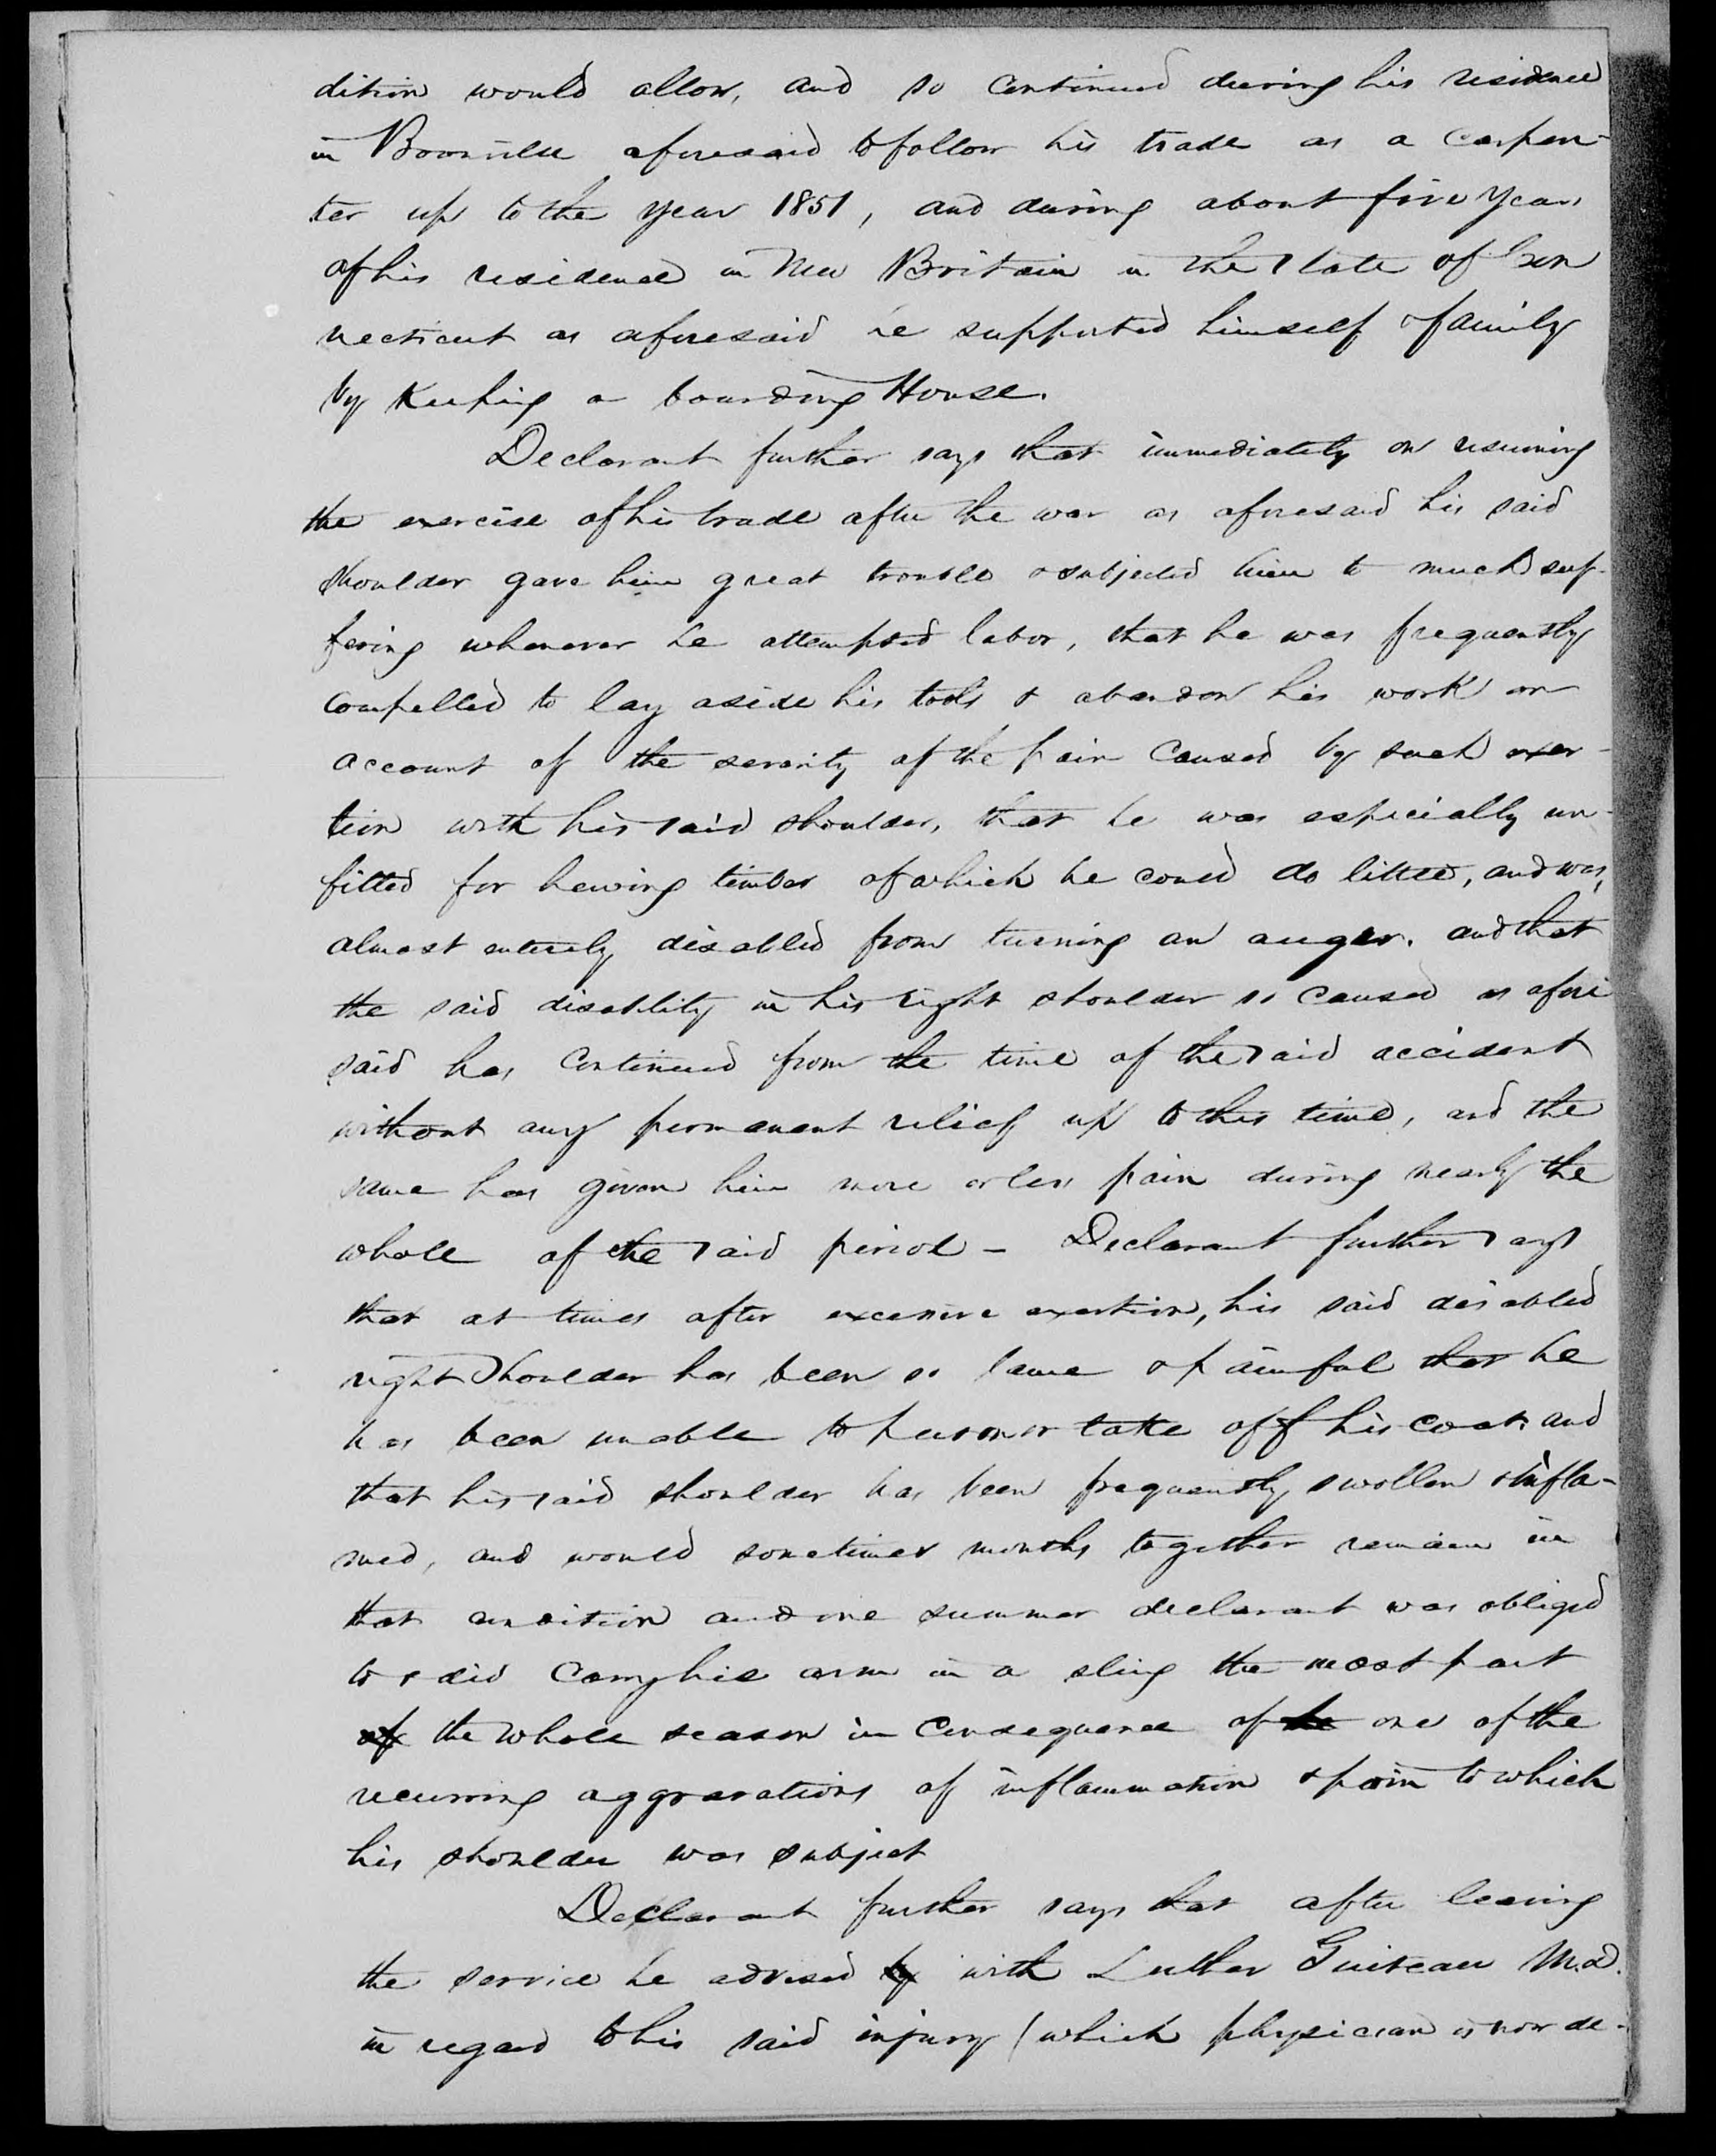[con]dition would allow, and so continued during his residence in Boonville aforesaid to follow his trade as a carpenter up to the year 1851, and during about five years of his residence in New Britain in the State of Connecticut as aforesaid he supported himself & family by keeping a boarding House.
Declarant further says that immediately on resuming the exercise of his trade after the war as aforesaid his said shoulder gave him great trouble & subjected him to much suffering whenever he attempted labor, that he was frequently compelled to lay aside his tools & abandon his work on account of the severity of the pain caused by such exertion with his said shoulder, that he was especially unfitted for having timber of which he could do little, and was almost entirely disabled from turning an auger, and that the said disability in his right shoulder so caused as aforesaid has continued from the time of the said accident without any permanent relief up to this time, and the same has given him more or less pain during nearly the whole of the said period - Declarant further says that at times after excessive exertion, his said disabled right shoulder has been so lame & painful that he has been unable to put on or take off his coat and that his said shoulder has been frequently swollen & inflamed, and would sometimes months together remain in that condition and one summer declarant was obliged to & did carry his arm in a sling the most part of the whole season in consequence of one of the recurring aggravations of inflammation & pain to which his shoulder was subject 
Declarant further says that after leaving the service he advised with Luther Guiteau M.D. in regard to his said injury (which physician is now de- [deceased]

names: Luther Guitrau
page: 5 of 44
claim: rejected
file: R. 17,033, for Joseph Perkins, New York